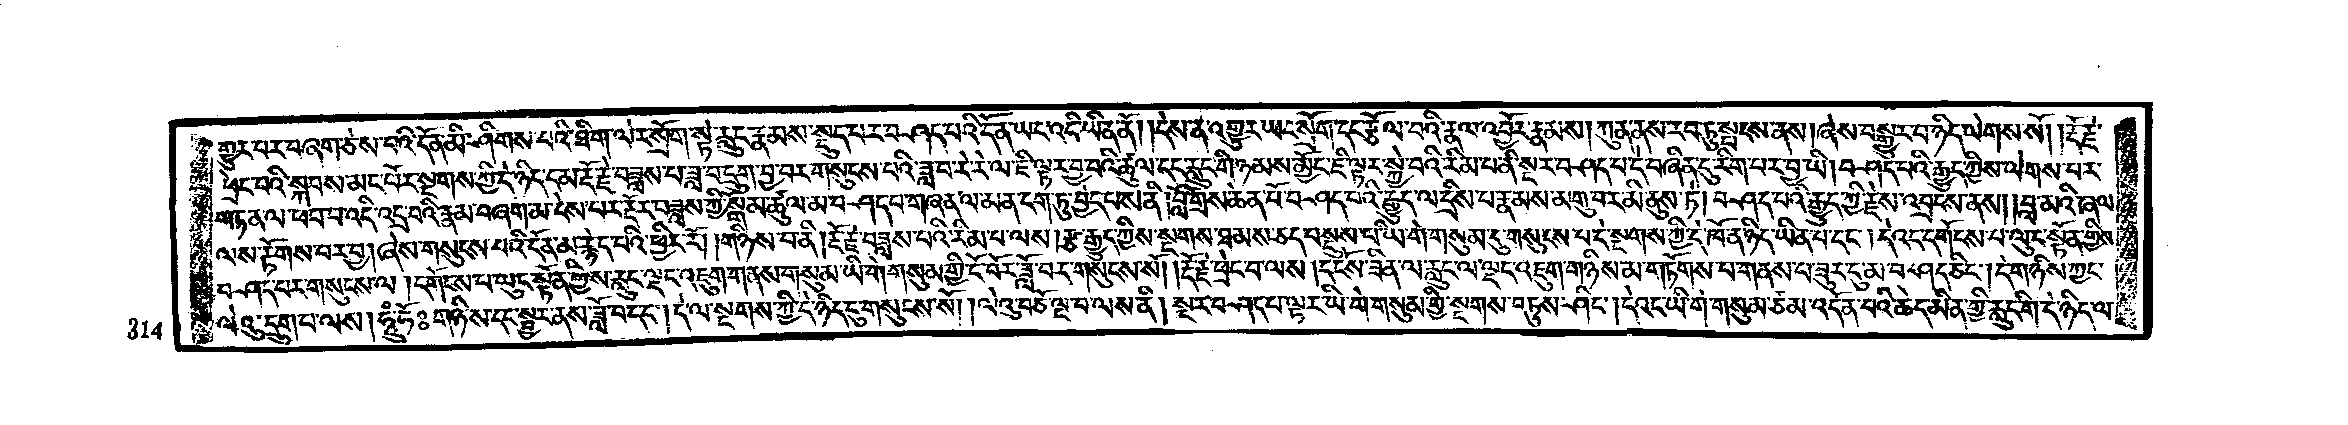གྱུར་པར་བཞག་ཅེས་པའི་དོན་མི་ཤིགས་པའི་ཐིག་ལེར་སྲོག་སྟེ་རླུང་རྣམས་སྡུད་པར་བཤད་པའི་དོན་ཡང་འདི་ཡིན་ནོ། །དེས་ན་འགྱུར་ཡང་སྲོག་དང་རྩོལ་བའི་རྣལ་འབྱོར་རྣམས། ཀུན་ནས་རབ་ཏུ་སྤངས་ནས། ཞེས་བསྒྱུར་བ་ཉིད་ལེགས་སོ། །རྡོ་རྗེ་
ཕྲེང་བའི་སྐབས་མང་པོར་སྔགས་ཀྱི་དེ་ཉིད་དམ་རྡོ་རྗེ་བཟླས་པ་ཟླ་བ་དྲུག་བྱ་བར་གསུངས་པའི་ཟླ་བ་རེ་རེ་ལ་ཇི་ལྟར་བྱ་བའི་ཚུལ་དང་རླུང་གི་ཉམས་མྱོང་ཇི་ལྟར་སྐྱེ་བའི་རིམ་པ་ནི་སྔར་བཤད་པ་དེ་བཞིན་དུ་རིག་པར་བྱ་ཡི། བཤད་པའི་རྒྱུད་ཀྱིས་ལེགས་པར་
གཏན་ལ་ཕབ་པ་འདི་འདྲ་བའི་རྣམ་བཞག་མ་ངེས་པར་རྡོར་བཟླས་ཀྱི་སྒོམ་ཚུལ་མ་བཤད་པ་གཞན་ལ་མན་ངག་ཏུ་བྱེད་པས་ནི། བློ་གྲོས་ཆེན་པོ་བཤད་པའི་རྒྱུད་ལ་དྲིས་པ་རྣམས་མགུ་བར་མི་ནུས་ཏེ། བཤད་པའི་རྒྱུད་ཀྱི་རྗེས་འབྲངས་ནས། །བླ་མའི་ཞལ་
ལས་རྟོགས་པར་བྱ། ཞེས་གསུངས་པའི་དོན་མ་རྙེད་པའི་ཕྱིར་རོ། །གཉིས་པ་ནི། རྡོ་རྗེ་བཟླས་པའི་རིམ་པ་ལས། རྩ་རྒྱུད་ཀྱིས་སྔགས་ཐམས་ཅད་བསྡུས་པ་ཡི་གེ་གསུམ་དུ་གསུངས་པ་དེ་སྔགས་ཀྱི་དེ་ཁོ་ན་ཉིད་ཡིན་པ་དང་། དེའང་དགོངས་པ་ལུང་སྟོན་གྱིས་
བཤད་པར་གསུངས་ལ། དགོངས་པ་ལུང་སྟོན་གྱིས་རླུང་ལྡང་འཇུག་གནས་གསུམ་ཡི་གེ་གསུམ་གྱི་ངོ་བོར་ཟློ་བར་གསུངས་སོ། །རྡོ་རྗེ་ཕྲེང་བ་ལས། དངོས་ཟིན་ལ་རླུང་ལ་ལྡང་འཇུག་གཉིས་མ་གཏོགས་པ་གནས་པ་ཟུར་དུ་མ་བཤད་ཅིང་། དེ་གཉིས་ཀྱང་
ལེའུ་དྲུག་པ་ལས། ཧཱུཾ་ཧོཿ གཉིས་དང་སྦྱར་ནས་ཟློ་བ་དང་། དེ་ལ་སྔགས་ཀྱི་དེ་ཉིད་དུ་གསུངས་སོ། །ལེའུ་བཅོ་ལྔ་པ་ལས་ནི། སྔར་བཤད་པ་ལྟར་ཡི་གེ་གསུམ་གྱི་སྔགས་བཏུས་ཤིང་། དེའང་ཡི་གེ་གསུམ་ཙམ་འདོན་པའི་ཆེད་མིན་གྱི་རླུང་གི་དེ་ཉིད་ལ་